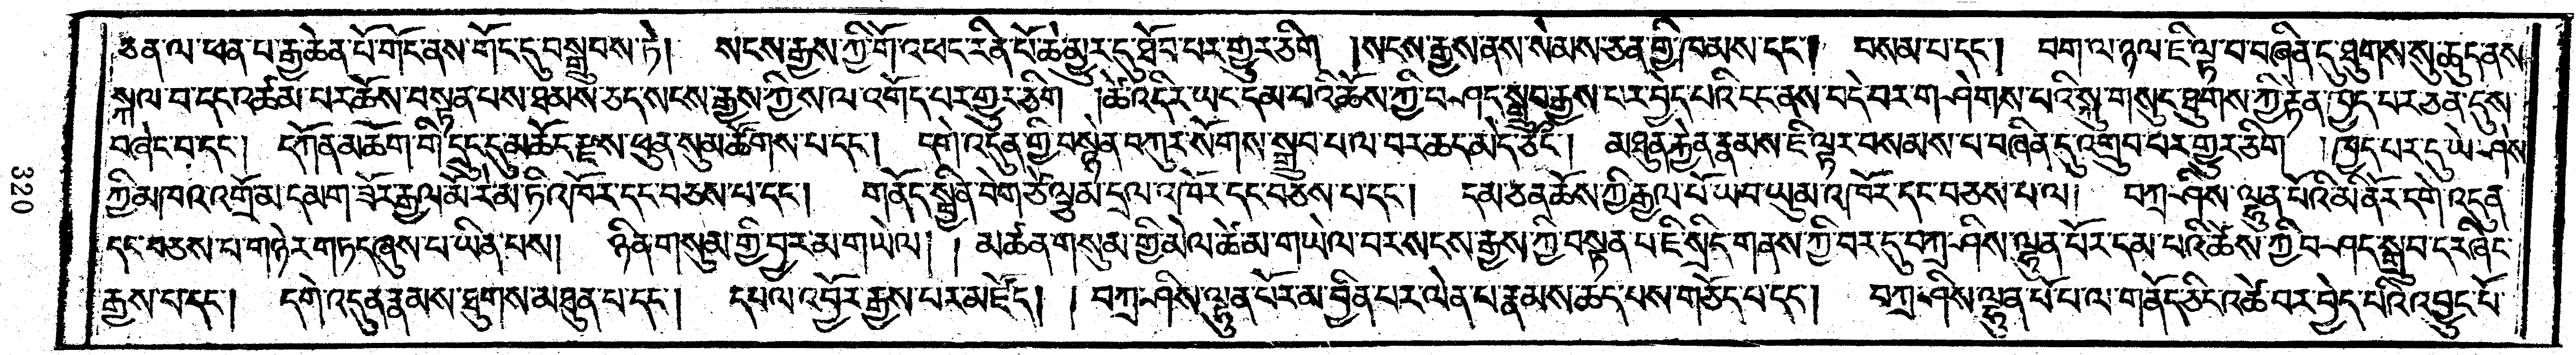ཅན་ལ་ཕན་པ་རྒྱ་ཆེན་པོ་གོང་ནས་གོང་དུ་བསྒྲུབས་ཏེ། སངས་རྒྱས་ཀྱི་གོ་འཕང་རིན་པོ་ཆེ་མྱུར་དུ་ཐོབ་པར་གྱུར་ཅིག །སངས་རྒྱས་ནས་སེམས་ཅན་གྱི་ཁམས་དང་། བསམ་པ་དང་། བག་ལ་ཉལ་ཇི་ལྟ་བ་བཞིན་དུ་ཐུགས་སུ་ཆུད་ནས་
སྐལ་བ་དང་འཚམ་པར་ཆོས་བསྟན་པས་ཐམས་ཅད་སངས་རྒྱས་ཀྱིས་ལ་འགོད་པར་གྱུར་ཅིག །ཚེ་འདིར་ཡང་དམ་པའི་ཆོས་ཀྱི་བཤད་སྒྲུབ་རྒྱས་པར་བྱེད་པའི་ངང་ནས་བདེ་བར་གཤེགས་པའི་སྐུ་གསུང་ཐུགས་ཀྱི་རྟེན་ཁྱད་པར་ཅན་དུས་
བཞེང་པ་དང་། དཀོན་མཆོག་གི་དྲུང་དུ་མཆོད་རྫས་ཕུན་སུམ་ཚོགས་པ་དང་། དགེ་འདུན་གྱི་བསྙེན་བཀུར་སོགས་སྒྲུབ་པ་ལ་བར་ཆད་མེད་ཅིང་། མཐུན་རྐྱེན་རྣམས་ཇི་ལྟར་བསམས་པ་བཞིན་དུ་འགྲུབ་པར་གྱུར་ཅིག །ཁྱད་པར་དུ་ཡེ་ཤེས་
ཀྱི་མཁའ་འགྲོ་མ་དམག་ཟོར་རྒྱལ་མོ་རེ་མ་ཏི་འཁོར་དང་བཅས་པ་དང་། གནོད་སྦྱིན་བེག་ཙེ་ལྕམ་དྲལ་འཁོར་དང་བཅས་པ་དང་། དམ་ཅན་ཆོས་ཀྱི་རྒྱལ་པོ་ཡབ་ཡུམ་འཁོར་དང་བཅས་པ་ལ། བཀྲ་ཤིས་ལྷུན་པོའི་མི་ནོར་དགེ་འདུན་
དང་བཅས་པ་གཉེར་གཏད་ཞུས་པ་ཡིན་པས། ཉིན་གསུམ་གྱི་བྱར་མ་གཡེལ། །མཚན་གསུམ་གྱི་མེལ་ཚེ་མ་གཡེལ་བར་སངས་རྒྱས་ཀྱི་བསྟན་པ་ཇི་སྲིད་གནས་ཀྱི་བར་དུ་བཀྲ་ཤིས་ལྷུན་པོར་དམ་པའི་ཆོས་ཀྱི་བཤད་སྒྲུབ་དར་ཞིང་
རྒྱས་པ་དང་། དགེ་འདུན་རྣམས་ཐུགས་མཐུན་པ་དང་། དཔལ་འབྱོར་རྒྱལ་པར་མཛོད། །བཀྲ་ཤིས་ལྷུན་པོར་མ་བྱིན་པར་ལེན་པ་རྣམས་ཆད་པས་གཅོད་པ་དང་། བཀྲ་ཤིས་ལྷུན་པོ་བ་ལ་གནོད་ཅིང་འཚེ་བར་བྱེད་པའི་འབྱུང་པོ་